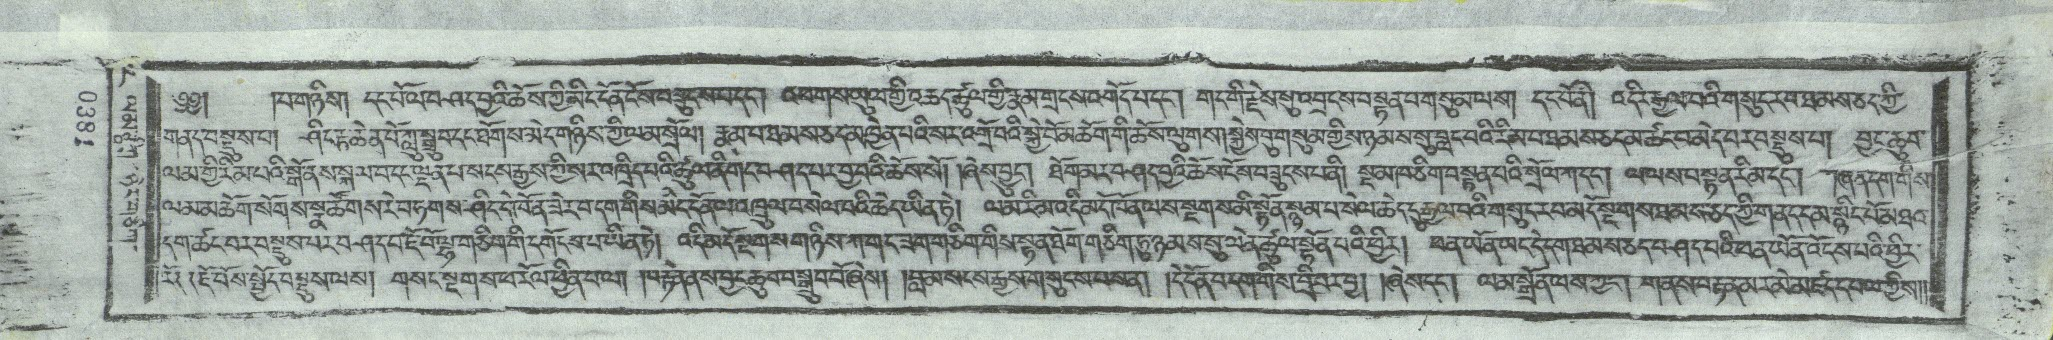༄༅། །པ་གཉིས། དང་པོ་ལ་བཤད་བྱའི་ཆོས་ཀྱི་མིང་དོན་ངོས་བཟུངས་པ་དང་། འཕགས་ཡུལ་གྱི་འཆད་ཚུལ་གྱི་རྣམ་གྲངས་འགོད་པ་དང་། གང་གི་རྗེས་སུ་འབྲངས་བསྟན་པ་གསུམ་ལས། དང་བོ་ནི། འདིར་རྒྱལ་བའི་གསུང་རབ་ཐམས་ཅད་ཀྱི་
གནད་བསྡུས་པ། ཤིང་རྟ་ཆེན་པོ་ཀླུ་སྒྲུབ་དང་ཐོགས་མེད་གཉིས་ཀྱི་ལམ་སྲོལ། རྣམ་པ་ཐམས་ཅད་མཁྱེན་པའི་སར་འགྲོ་བའི་སྐྱེ་བོ་མཆོག་གི་ཆོས་ལུགས། སྐྱེས་བུ་གསུམ་གྱིས་ཉམས་སུ་བླང་བའི་རིམ་པ་ཐམས་ཅད་མ་ཚང་བ་མེད་བར་བསྡུས་པ། བྱང་ཆུབ་
ལམ་གྱི་རིམ་པའི་སྒོ་ནས་སྐལ་བ་དང་ལྡན་པ་སངས་རྒྱས་ཀྱི་སར་འཁྲིད་པའི་ཚུལ་ནི་གང་བཤད་པར་བྱ་བའི་ཆོས་སོ། །ཞེས་བྱུང་། ཐོག་མར་བཤད་བྱའི་ཆོས་ངོས་བཟུངས་པ་ནི། སྔ་མ་ཁ་ཅིག་བསྟན་པའི་སྲོལ་ཀ་དང་། ལ་ལས་བསྟན་རིམ་དང་། གཞན་དག་གིས་
ལམ་མཆོག་སོགས་སྣ་ཚོགས་རེ་བཏགས་ཤིང་དེ་ཁོ་ན་ཟེར་བདག་གིས་མིང་དོན་ལ་འཁྲུལ་བ་སེལ་བའི་ཆེད་ཡིན་ཏེ། ལམ་རིམ་འདི་མདོ་ཁོ་ན་ལས་སྔགས་མི་སྟོན་སྙམ་པ་སེལ་ཆེད་དུ་རྒྱལ་བའི་གསུང་རབ་མདོ་སྔགས་ཐམས་ཅད་ཀྱི་གནད་དམ་སྙིང་པོ་མཐའ་
དག་ཚང་བར་བསྡུས་པར་བཤད་པ་ཇོ་བོ་ལྷ་གཅིག་གི་དགོངས་པ་ཡིན་ཏེ། འདི་མདོ་སྔགས་གཉིས་ཀ་གང་ཟག་གཅིག་གིས་སྟན་ཐོག་གཅིག་ཏུ་ཉམས་སུ་ལེན་ཚུལ་སྟོན་པའི་ཕྱིར། ཕན་ཡོན་ཡང་དེ་དག་ཐམས་ཅད་བཤད་པའི་ཕན་ཡོན་འོངས་པའི་ཕྱིར་
རོ༑ ༑ཇོ་བོས་སྤྱོད་བསྡུས་ལས། གསང་སྔགས་ཕ་རོལ་ཕྱིན་པ་ལ། །བརྟེན་ནས་བྱང་ཆུབ་བསྒྲུབ་བོ་ཞེས། །བླ་མ་སངས་རྒྱས་གསུངས་པས་ན། །དེ་དོན་བདག་གིས་བྲི་བར་བྱ། །ཞེས་དང་། ལམ་སྒྲོན་ལས་ཀྱང་། གནས་བརྟན་མར་མེ་མཛད་དཔལ་ཀྱིས།།